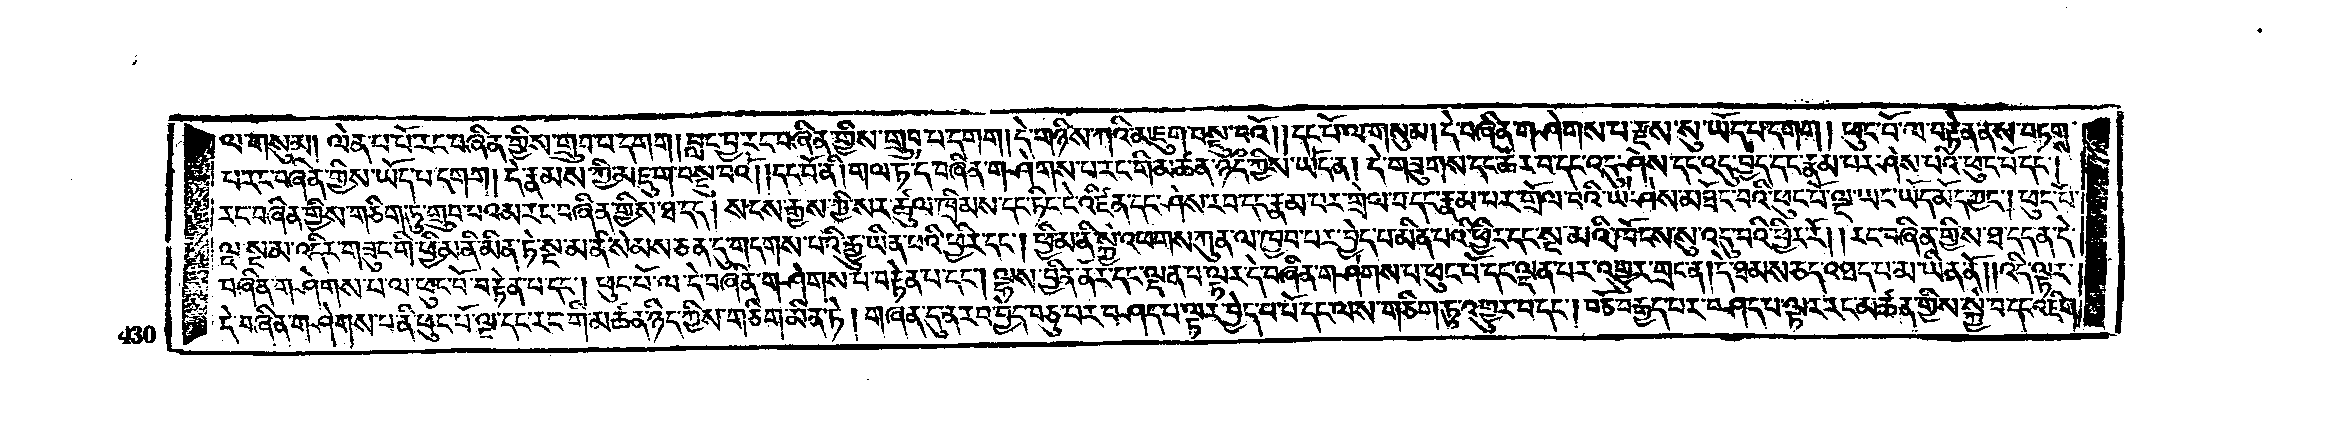ལ་གསུམ། ལེན་པ་པོ་རང་བཞིན་གྱིས་གྲུབ་པ་དགག། བླང་བྱ་རང་བཞིན་གྱིས་གྲུབ་པ་དགག། དེ་གཉིས་ཀའི་མཇུག་བསྡུ་བའོ། །དང་པོ་ལ་གསུམ། དེ་བཞིན་གཤེགས་པ་རྫས་སུ་ཡོད་པ་དགག། ཕུང་པོ་ལ་བརྟེན་ནས་བཏགས་
པ་རང་བཞིན་གྱིས་ཡོད་པ་དགག། དེ་རྣམས་ཀྱི་མཇུག་བསྡུ་བའོ། །དང་པོ་ནི། གལ་ཏེ་དེ་བཞིན་གཤེགས་པ་རང་གི་མཚན་ཉིད་ཀྱིས་ཡོད་ན། དེ་གཟུགས་དང་ཚོར་བ་དང་འདུ་ཤེས་དང་འདུ་བྱེད་དང་རྣམ་པར་ཤེས་པའི་ཕུང་པོ་དང་།
རང་བཞིན་གྱིས་གཅིག་ཏུ་གྲུབ་པའམ་རང་བཞིན་གྱིས་ཐ་དད། སངས་རྒྱས་ཀྱི་སར་ཚུལ་ཁྲིམས་དང་ཏིང་ངེ་འཛིན་དང་ཤེས་རབ་དང་རྣམ་པར་འབྲེལ་བ་དང་རྣམ་པར་གྲོལ་བའི་ཡེ་ཤེས་མཐོན་བའི་ཕུང་པོ་ལྔ་ཡང་ཡོད་མོད་ཀྱང་། ཕུང་པོ་
ལྔ་སྔ་མ་འདིར་གཟུང་གི་ཕྱི་མ་ནི་མིན་ཏེ་སྔ་མ་ནི་སེམས་ཅན་དུ་གདགས་པའི་རྒྱུ་ཡིན་པའི་ཕྱིར་དང་། ཕྱི་མ་ནི་སྐྱེ་འཕགས་ཀུན་ལ་ཁྱབ་པར་བྱེད་པ་མིན་པའི་ཕྱིར་དང་སྔ་མའི་ཁོངས་སུ་འདུ་བའི་ཕྱིར་རོ། །རང་བཞིན་གྱིས་ཐ་དད་ན་དེ་
བཞིན་གཤེགས་པ་ལ་ཕུང་པོ་བརྟེན་པ་དང་། ཕུང་པོ་ལ་དེ་བཞིན་གཤེགས་པ་བརྟེན་པ་དང་། ལྷས་བྱིན་ནོར་དང་ལྡན་པ་ལྟར་དེ་བཞིན་གཤེགས་པ་ཕུང་པོ་དང་ལྡན་པར་འགྱུར་གྲང་ན། དེ་ཐམས་ཅད་འཐད་པ་མ་ཡིན་ནོ། །འདི་ལྟར་
དེ་བཞིན་གཤེགས་པ་ནི་ཕུང་པོ་ལྔ་དང་རང་གི་མཚན་ཉིད་ཀྱིས་གཅིག་མིན་ཏེ། གཞན་དུ་ན་རབ་བྱེད་བཅུ་པར་བཤད་པ་ལྟར་བྱེད་པ་པོ་དང་ལས་གཅིག་ཏུ་འགྱུར་བ་དང་། བཅོ་བརྒྱད་པར་བཤད་པ་ལྟར་རང་མཚན་གྱིས་སྐྱེ་བ་དང་འཇིག་